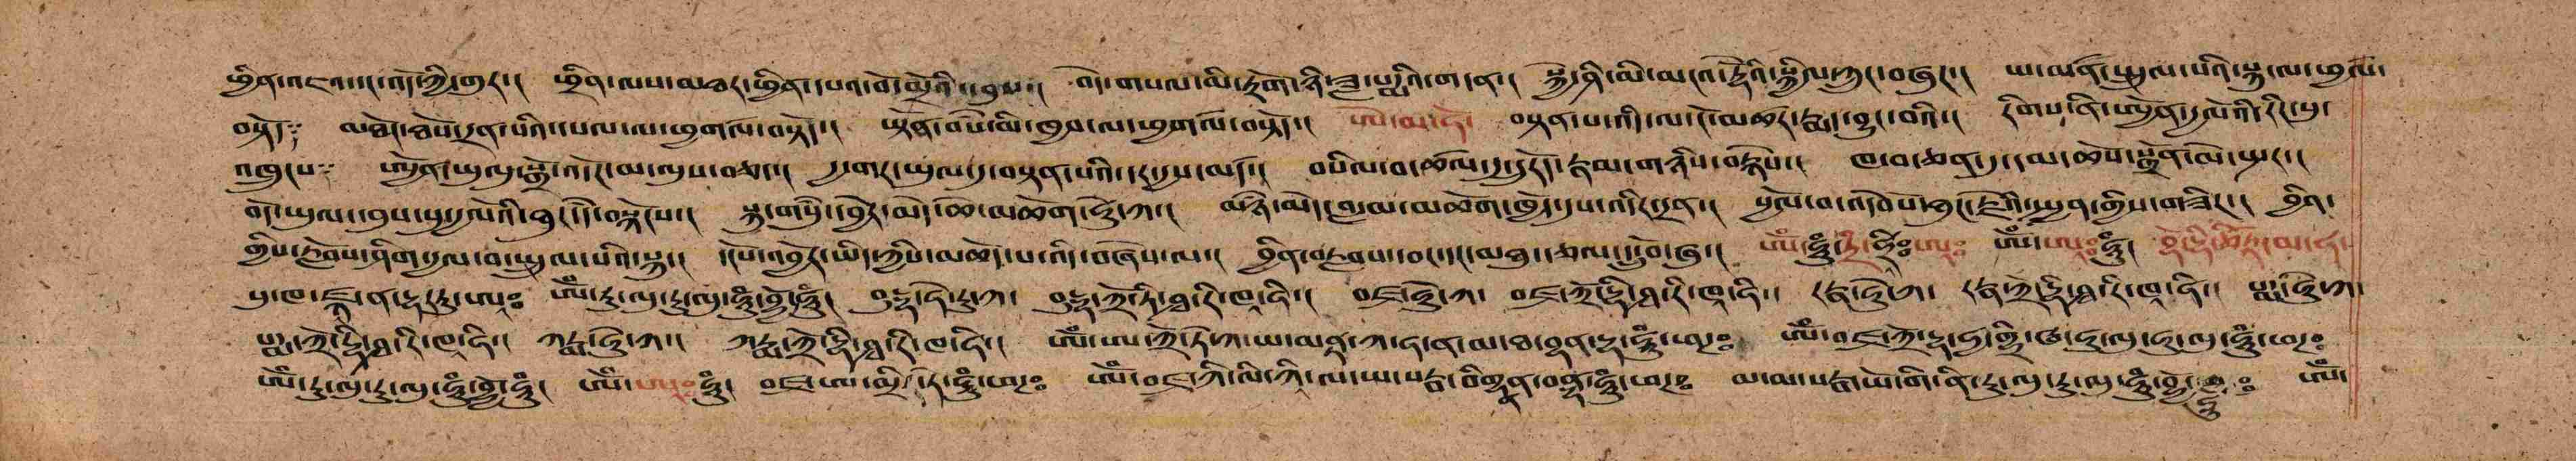ཕྱིན་འཇའ་དང་འོད་ཀྱི་གུར།། ཕྲིན་ལས་མཐར་ཕྱིན་དཔའ་བོ་མཁའ་འགྲོའི་དབུས།། བདེ་གསལ་མི་རྟོག་ཉི་ཟླ་པདྨའི་གདན།། སྐྱེ་ཤི་མི་མངའ་རྡོ་རྗེའི་སྐྱིལ་ཀྲུང་བཞུགས།། ཡ་མཚན་སྤྲུལ་པའི་སྐུ་ལ་ཕྱག་འཚལ་
བསྟོད།། མཐོང་ཐོས་དྲན་པའི་དཔལ་ལ་ཕྱག་འཚལ་བསྟོད།། ཡོན་ཏན་བསམ་མིི་ཁྱབ་ལ་ཕྱག་འཚལ་བསྟོད།། ཨེ་མ་ཧོ། བསྟན་པ་འདི་ལ་ངོ་མཚར་རྨད་བྱུང་བའི།། རིགས་ནི་ཨོ་རྒྱན་རྒྱལ་པོའི་རིགས་སུ་
འཁྲུངས།། ཨོ་རྒྱན་ཡུལ་དུ་སྒྲོ་འདོགས་མ་ལུས་བཅད།། རྒྱ་གར་ཡུལ་དུ་བསྟན་པ་དར་རྒྱས་མཛད།། བསིལ་བ་ཚལ་དུ་དུར་ཁྲོད་རྣམ་གཉིས་བརྙེས།། ཁ་བ་ཅན་དུ་དམ་ཆོས་སྒྲོན་མེ་སྤར།། 
བོད་ཡུལ་དབུས་སུ་རྒྱལ་པོའི་ཐུགས་དམ་བསྐང་།། སྐུ་གསུམ་དབྱེར་མེད་ཆེ་མཆོག་ཧེ་རུ་ཀ། མཉམ་མེད་བླ་མ་མཆོག་ཁྱོིད་དུས་འདིར་དྲན།། གསོལ་བ་འདེབས་སོ་ཐུགས་རྗེའི་སྤྱན་གྱིས་གཟིགས།། བྱིན་
གྱིས་རློབས་ཤིག་རྒྱལ་བ་སྤྲུལ་པའི་སྐུ།། དངོས་འབྱོར་ཡིད་ཀྱི་མཆོད་པ་འདི་བཞེས་ལ།། བྱིན་རླབས་དབང་དང་མཐུ་རྩལ་དངོས་གྲུབ་ཞུ།། ཨོཾ་ཧཱུ་ཏྲཾ་ཧྲཱིཿཨཱཿ ཨོཾ་ཨཱཿཧཱུཾ། བྷོ་དྷི་ཙིརྟ་མ་ཧཱ་
སུ་ཁ་ཛྙ་ན་དྷ་རུ་ཨཱཿ ཨོཾ་རུ་ལུ་རུ་ལུ་ཧཱུཾ་བྷྱོ་ཧཱུཾ། བུདྡྷ་ཧེ་རུ་ཀ། བུདྡྷ་ཀྲོ་ཏི་ཤྭ་རི་ཁཱ་ཧི།། བཛྲ་ཧེ་རུ་ཀ། བཛྲ་ཀྲོ་དྷི་ཤྭ་རི་ཁཱ་ཧི།། རདྣ་ཧེ་རུ་ཀ། རདྣ་ཀྲོ་དྷི་ཤྭ་རི་ཁཱ་ཧི། པདྨ་ཧེ་རུ་ཀ། 
པདྨ་ཀྲོ་དྷི་ཤྭ་རི་ཁཱ་ཧི།། ཀརྨ་ཧེ་རུ་ཀ།། ཀརྨ་ཀྲོ་དྷི་ཤྭ་རི་ཁ་ཧི།། ཨོཾ་ཨ་ཀྲོ་ཏེ་ཀ་ཡ་མནྟ་ཀ་ཧ་ན་མ་ཐ་བྷན་དྷ་ཧཱུཾ་ཕཊཿ ཨོཾ་བཛྲ་ཀྲོ་དྷ་ཧྱ་གྷྲི་ཝ་ཧུ་ལུ་ཧུ་ལུ་ཧཱུཾ་ཕཊཿ 
ཨོཾ་རུ་ལུ་རུ་ལུ་ཧཱུཾ་བྷྱོ་ཧཱུཾ། ཨོ་ཨཱཿཧཱུཾ། བཛྲ་ཨ་མྲིར་ཏེ་ཧཱུཾ་ཕཊཿ ཨོཾ་བཛྲ་ཀི་ལི་ཀི་ལ་ཡ་སརྦ་བིགྷྣན་བནྡྷ་ཧཱུཾ་ཕཊཿ མ་མ་སརྦ་ཡོ་གི་རུ་ལུ་རུ་ལུ་ཧཱུཾ་བྷྱོ་ཧཱུཾཿ ཨོཾ་